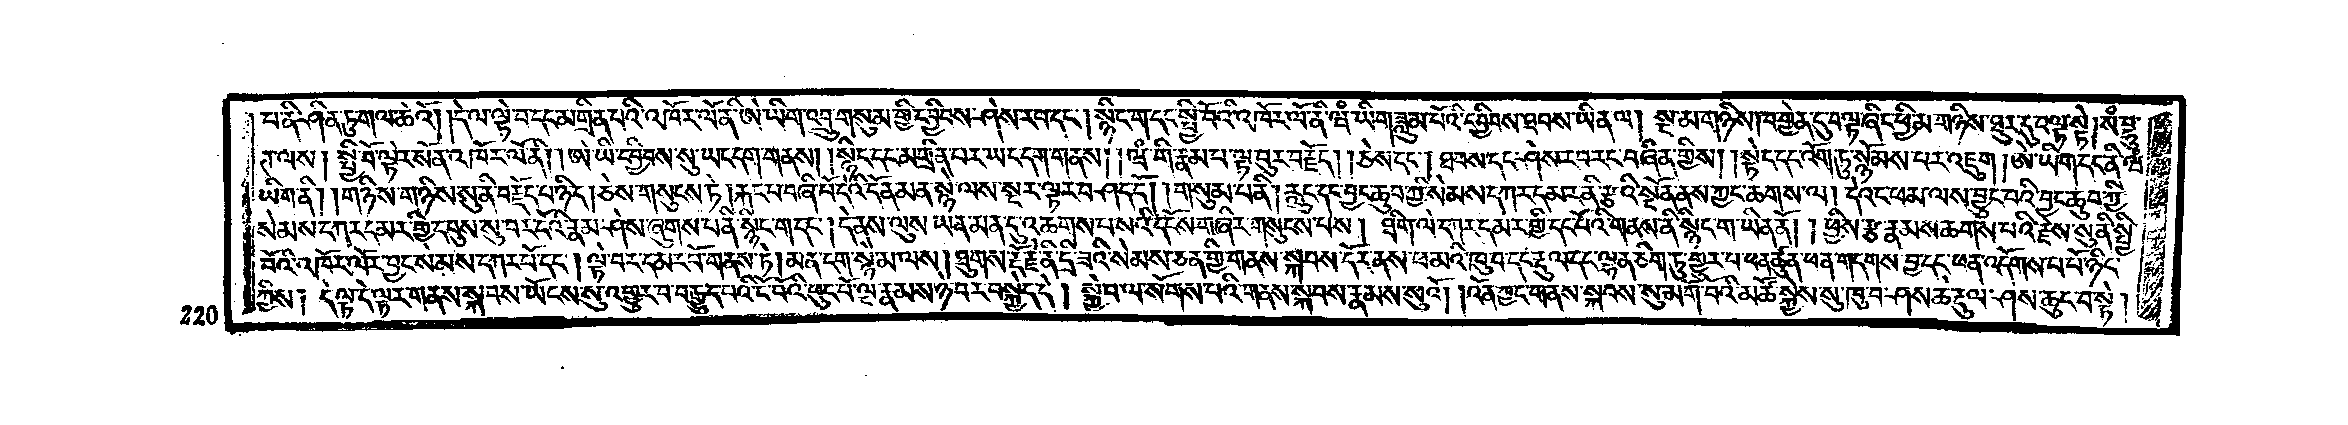པ་ནི་ཤིན་ཏུ་གལ་ཆེའོ། །དེ་ལ་ལྟེ་བ་དང་མགྲིན་པའི་འཁོར་ལོ་ནི་ཨེ་ཡིག་འབྲུ་གསུམ་གྱི་དབྱིབས་ཤེས་རབ་དང་། སྙིང་ག་དང་སྤྱི་བོའི་འཁོར་ལོ་ནི་ཝཾ་ཡིག་ཟླུམ་པོའི་དབྱིབས་ཐབས་ཡིན་ལ། སྔ་མ་གཉིས་ཁ་གྱེན་དུ་བལྟ་ཞིང་ཕྱི་མ་གཉིས་ཐུར་དུ་བལྟ་སྟེ། སཾ་བྷུ་
ཊ་ལས། སྤྱི་བོ་ལྟེར་སོན་འཁོར་ལོ་ནི། །ཨེ་ཡི་དབྱིབས་སུ་ཡང་དག་གནས། །སྙིང་དང་མགྲིན་པར་ཡང་དག་གནས། །ཝཾ་གི་རྣམ་པ་ལྟ་བུར་བརྗོད། །ཅེས་དང་། ཐབས་དང་ཤེས་རབ་རང་བཞིན་གྱིས། །སྟེང་དང་འོག་ཏུ་སྙོམས་པར་འཇུག །ཨ་ཡིག་དང་ནི་ཝེ་
ཡིག་ནི། །གཉིས་གཉིས་སུ་ནི་བརྗོད་པ་ཉིད། ཅེས་གསུངས་ཏེ། རྐང་པ་བཞི་པོ་དེའི་དོན་མན་སྙེ་ལས་སྔར་ལྟར་བཤད་དོ། །གསུམ་པ་ནི། རླུང་དང་བྱང་ཆུབ་ཀྱི་སེམས་དཀར་དམར་ནི་རྩའི་སྔོན་ནས་ཀྱང་ཆགས་ལ། དེའང་ཕ་མ་ལས་བྱུང་བའི་བྱང་ཆུབ་ཀྱི་
སེམས་དཀར་དམར་གྱི་དབུས་སུ་བར་དོའི་རྣམ་ཤེས་ཞུགས་པ་ནི་སྙིང་ག་དང་། དེ་ནས་ལུས་ཡན་མན་དུ་འཆགས་པ་སའི་དངོས་གཞིར་གསུངས་པས། ཐིག་ལེ་དཀར་དམར་གྱི་དང་པོའི་གནས་ནི་སྙིང་ག་ཡིན་ནོ། །ཕྱིས་རྩ་རྣམས་ཆགས་པའི་རྗེས་སུ་ནི་སྤྱི་
བོའི་འཁོར་ལོར་བྱང་སེམས་དཀར་པོ་དང་། ལྟེ་བར་དམར་པོ་གནས་ཏེ། མན་ངག་སྙེ་མ་ལས། ཐུགས་རྡོ་རྗེ་ནི་དྲི་ཟའི་སེམས་ཅན་གྱི་གནས་སྐབས་དོར་ནས་ཕ་མའི་ཁུ་བ་དང་རྡུལ་དང་ལྷན་ཅིག་ཏུ་གྱུར་པ་ཕན་ཚུན་ཕན་གདགས་བྱ་དང་ཕན་འདོགས་པ་པོ་ཉིད་
ཀྱིས། དེ་ལྟ་དེ་ལྟར་གནས་སྐབས་ཡོངས་སུ་འགྱུར་བ་བརྒྱུད་པའི་ངོ་བོའི་ཕུང་པོ་ལྔ་རྣམས་ཉེ་བར་བསྐྱེད་དེ། སྐྱེ་བ་ལ་སོགས་པའི་གནས་སྐབས་རྣམས་སུའོ། །འོན་ཀྱང་གནས་སྐབས་སུ་མགོ་བོའི་མཚོ་སྐྱེས་སུ་ཁུ་བ་ཤས་ཆེ་རྡུལ་ཤས་ཆུང་བ་སྟེ།